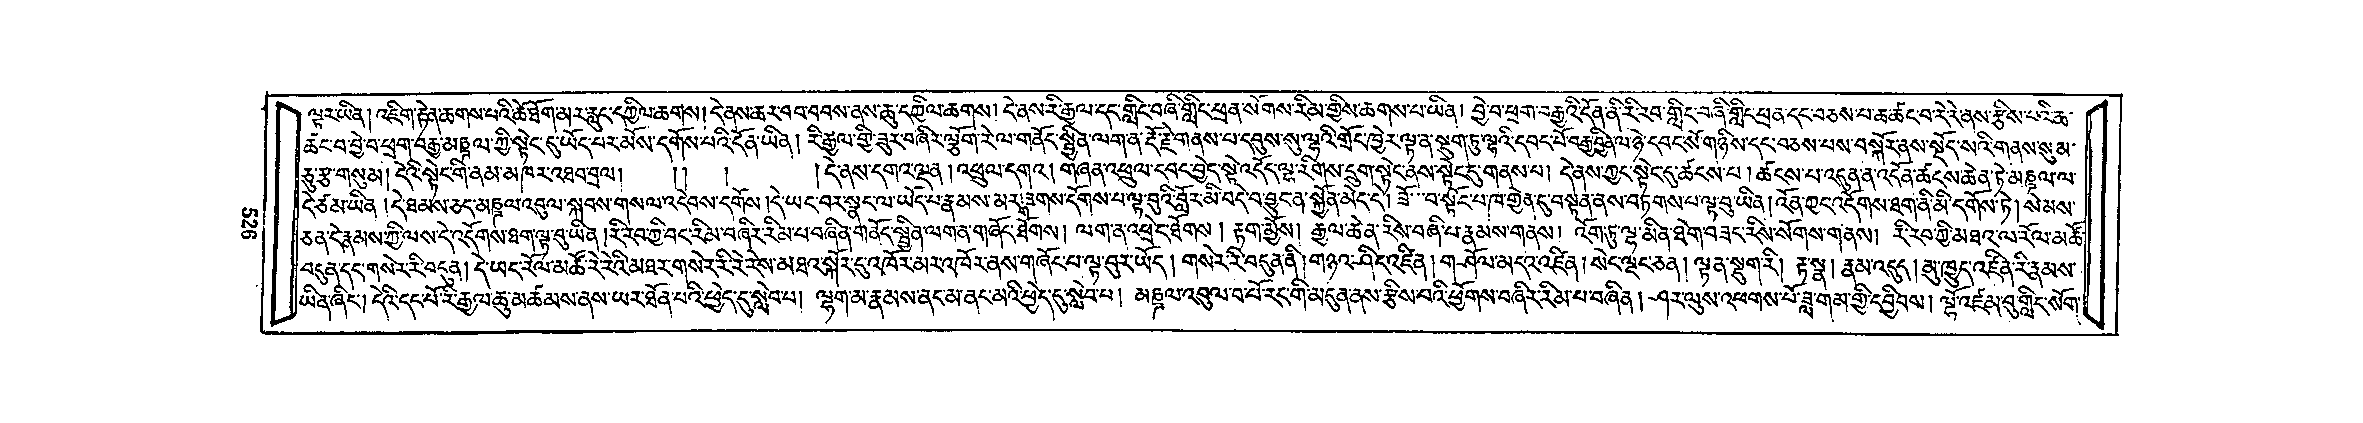ལྟར་ཡིན། འཇིག་རྟེན་ཆགས་པའི་ཚེ་ཐོག་མར་རླུང་དཀྱིལ་ཆགས། དེ་ནས་ཆར་བབ་བབས་ནས་ཆུ་དཀྱིལ་ཆགས། དེ་ནས་རི་རྒྱལ་དང་གླིང་བཞི་གླིང་ཕྲན་སོགས་རིམ་གྱིས་ཆགས་པ་ཡིན། བྱེ་བ་ཕྲག་བརྒྱའི་དོན་ནི་རི་རབ་གླིང་བཞི་གླིང་ཕྲན་དང་བཅས་པ་ཆ་ཚང་བ་རེ་རེ་ནས་རྩིས་པའི་ཆ་
ཚང་བ་བྱེ་བ་ཕྲག་བརྒྱ་མཎྜལ་ཀྱི་སྟེང་དུ་ཡོད་པར་མོས་དགོས་པའི་དོན་ཡིན། རི་རྒྱལ་གྱི་ཟུར་བཞིར་ལྕོག་རེ་ལ་གནོད་སྦྱིན་ལག་ན་རྡོ་རྗེ་གནས་པ་དབུས་སུ་ལྷའི་གྲོང་ཁྱེར་ལྟ་ན་སྡུག་ཏུ་ལྷའི་དབང་པོ་བརྒྱ་བྱིན་ལ་ཉེ་དབང་སོ་གཉིས་དང་བཅས་པས་བསྐོར་ནས་སྡོད་སའི་གནས་སུམ་
ཅུ་རྩ་གསུམ། དེའི་སྟེང་གི་ནམ་མཁར་འཐབ་བྲལ། །། །དེ་ནས་དགའ་ལྡན། འཕྲུལ་དགའ། གཞན་འཕྲུལ་དབང་བྱེད་སྟེ་འདོད་ལྷ་རིགས་དྲུག་སྟེང་ནས་སྟེང་དུ་གནས་པ། དེ་ནས་ཀྱང་སྟེང་དུ་ཚངས་པ། ཚངས་པ་འདུན་ན་འདོན་ཚངས་ཆེན་ཏེ་མཎྜལ་ལ་
དེ་ཙམ་ཡིན། དེ་ཐམས་ཅད་མཎྜལ་འབུལ་སྐབས་གསལ་འདེབས་དགོས། དེ་ཡང་བར་སྣང་ལ་ཡོད་པ་རྣམས་མར་གཟགས་དོགས་པ་ལྟ་བུའི་བློར་མི་བདེ་བ་བྱུང་ན་སྐྱོན་མེད་དེ། ཟོ་བ་སྟོང་པ་ཁ་གྱེན་དུ་བསྟན་ནས་བཏགས་པ་ལྟ་བུ་ཡིན། འོན་ཀྱང་འདོགས་ཐག་ནི་མི་དགོས་ཏེ། སེམས་
ཅན་དེ་རྣམས་ཀྱི་ལས་དེ་འདོགས་ཐག་ལྟ་བུ་ཡིན། རི་རབ་ཀྱི་བང་རིམ་བཞིར་རིམ་པ་བཞིན་གནོད་སྦྱིན་ལག་ན་གཞོད་ཐོགས། ལག་ན་འཕྲེང་ཐོགས། རྟག་མྱོས། རྒྱལ་ཆེན་རིས་བཞི་པ་རྣམས་གནས། འོག་ཏུ་ལྷ་མིན་ཐེག་བཟང་རིས་སོགས་གནས། རི་རབ་ཀྱི་མཐའ་ལ་རོལ་མཚོ་
བདུན་དང་གསེར་རི་བདུན། དེ་ཡང་རོལ་མཚོ་རེ་རེའི་མཐར་གསེར་རི་རེ་རེས་མཐའ་སྐོར་དུ་འཁོར་མར་འཁོར་ནས་གཞོང་པ་ལྟ་བུར་ཡོད། གསེར་རི་བདུན་ནི། གཉའ་ཤིང་འཛིན། གཤོལ་མདའ་འཛིན། སེང་ལྡང་ཅན། ལྟ་ན་སྡུག་རི། རྟ་སྣ། རྣམ་འདུད། མུ་ཁྱུད་འཛིན་རི་རྣམས་
ཡིན་ཞིང་། དེའི་དང་པོ་རི་རྒྱལ་ཆུ་མཚམས་ནས་ཡར་ཐོན་པའི་ཕྱེད་དུ་སླེབ་པ། ལྷག་མ་རྣམས་ནང་མ་ནང་མའི་ཕྱེད་དུ་སླེབ་པ། མཎྜལ་འབུལ་བ་པོ་རང་གི་མདུན་ནས་རྩིས་པའི་ཕྱོགས་བཞིར་རིམ་པ་བཞིན། ཤར་ལུས་འཕགས་པོ་ཟླ་གམ་གྱི་དབྱིབས། ལྷོ་འཛམ་བུ་གླིང་སོག་